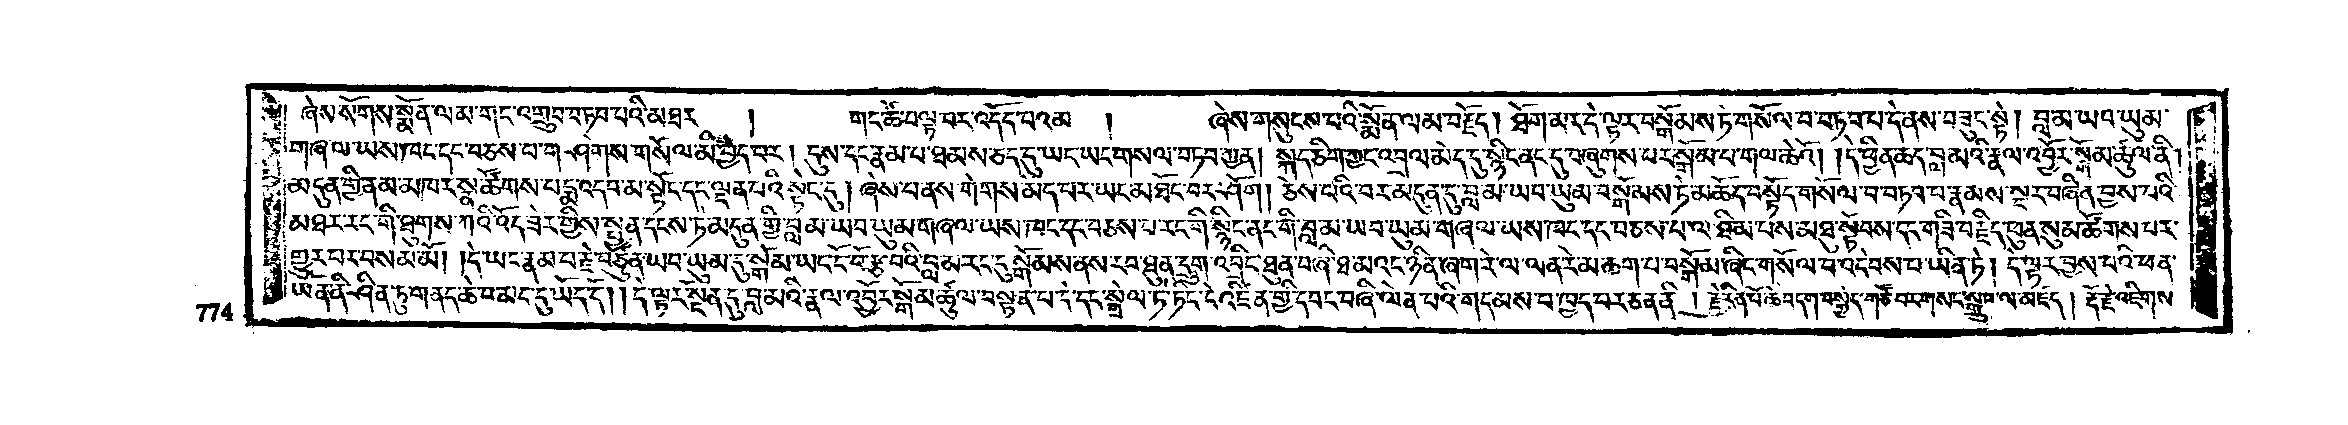ཞེས་སོགས་སྨོན་ལམ་གང་འགྲུབ་བཏབ་པའི་མཐར། གང་ཚེ་བལྟ་བར་འདོད་པའམ། ཞེས་གསུངས་པའི་སྨོན་ལམ་བརྗོད། ཐོག་མར་དེ་ལྟར་བསྒོམས་ཏེ་གསོལ་བ་བཏབ་པ་དེ་ནས་བཟུང་སྟེ། བླ་མ་ཡབ་ཡུམ་
གཞལ་ཡས་ཁང་དང་བཅས་པ་གཤེགས་གསོལ་མི་བྱེད་པར། དུས་དང་རྣམ་པ་ཐམས་ཅད་དུ་ཡང་ཡང་གསལ་བཏབ་ཀྱན། སྐད་ཅིག་ཀྱང་འབྲལ་མེད་དུ་སྙིང་ནང་དུ་བཞུགས་པར་སྒོམ་པ་གལ་ཆེའོ། །དེ་ཕྱིན་ཆད་བླ་མའི་རྣལ་འབྱོར་སྒོམ་ཚུལ་ནི།
མདུན་གྱི་ནམ་མཁར་སྣ་ཚོགས་པདམ་འདབ་མ་སྟོང་དང་ལྡན་པའི་སྟེང་དུ། ཞེས་པ་ནས་གེགས་མེད་པར་ཡང་མཐོང་བར་ཤོག །ཅེས་པའི་བར་མདུན་དུ་བླ་མ་ཡབ་ཡུམ་བསྒོམས་ཏེ་མཆོད་བསྟོད་གསོལ་བ་བཏབ་པ་རྣམས་སྔར་བཞིན་བྱས་པའི་
མཐར་རང་གི་ཐུགས་ཀའི་འོད་ཟེར་གྱིས་སྤྱན་དངོས་ཏེ་མདུན་གྱི་བླ་མ་ཡབ་ཡུམ་གཞལ་ཡས་ཁང་དང་བཅས་པ་རང་གི་སྙིང་ནང་གི་བླ་མ་ཡབ་ཡུམ་གཞལ་ཡས་ཁང་དང་བཅས་པ་ལ་ཐིམ་པས་མཐུ་སྟོབས་དང་གཟི་བརྗིད་ཕུན་སུམ་ཚོགས་པར་
གྱུར་པར་བསམ་མོ། །དེ་ཡང་རྣམ་པ་རྗེ་བཙུན་ཡབ་ཡུམ་དུ་སྒོམ་ཡང་ངོ་བོ་རྩ་བའི་བླ་མ་རང་དུ་སྒོམས་ནས་རབ་ཐུན་དྲུག་འབྲིང་ཐུན་བཞི་ཐ་མའང་ཉིན་ཞག་རེ་ལ་ལན་རེ་མ་ཆག་པ་བསྒོམ་ཞིང་གསོལ་བ་འདེབས་པ་ཡིན་ཏེ། དེ་ལྟར་བྱས་པའི་ཕན་
ཡོན་ནི་ཤིན་ཏུ་གནད་ཆེ་བ་མང་དུ་ཡོད་དོ། །དེ་ལྟར་སྔོན་དུ་བླ་མའི་རྣལ་འབྱོར་སྒོམ་ཚུལ་བསྟན་པ་དེ་དང་སྒྲེལ་ཏེ་ཏིང་ངེ་འཛིན་གྱི་དབང་བཞི་ལེན་པའི་གདམས་པ་ཁྱད་པར་ཅན་ནི། །རྗེ་རིན་པོ་ཆེ་བདག་བསྐྱེད་གཙོ་བར་གསང་སྒྲུབ་ལ་མཛད། མཛད། རྡོ་རྗེ་འཇིགས་